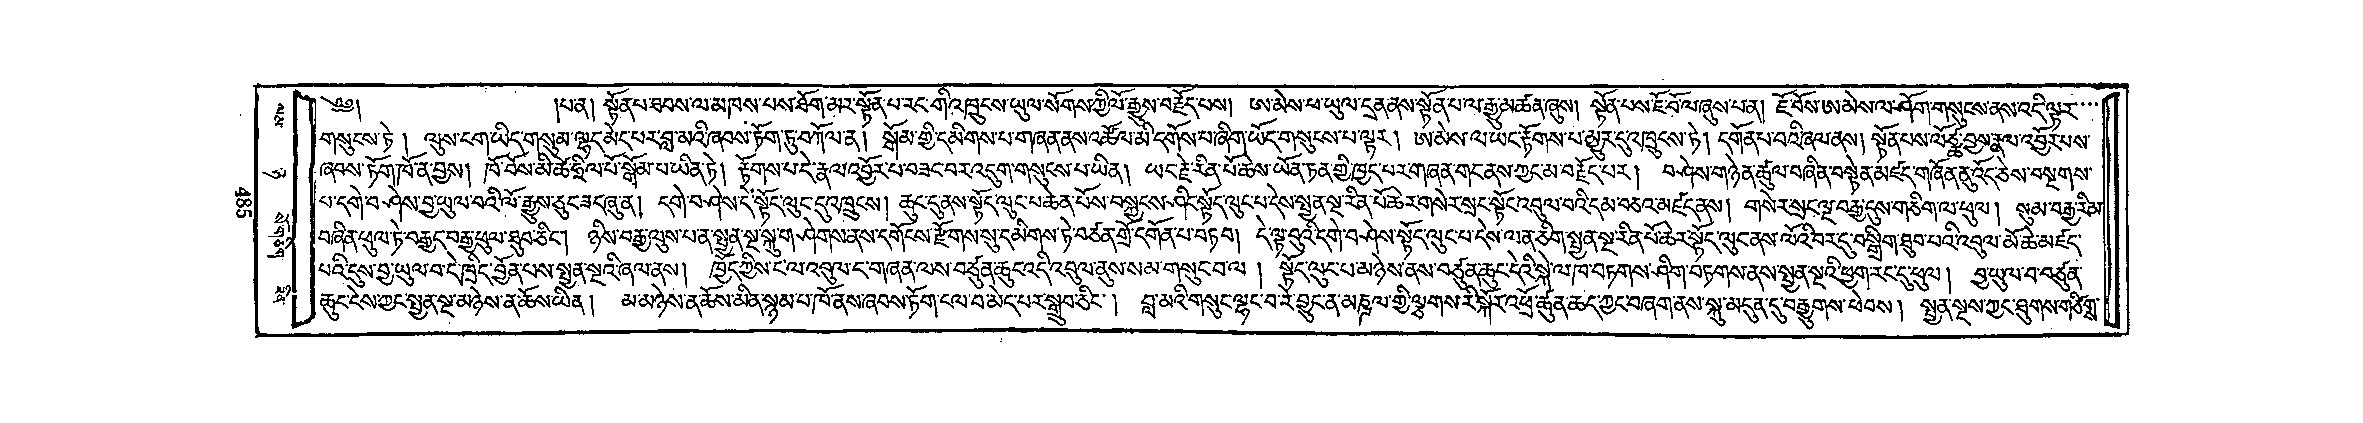༄༅། །པ་ན། སྟོན་པ་ཐབས་ལ་མཁས་པས་ཐོག་མར་སྟོན་པ་རང་གི་འཁྲུངས་ཡུལ་སོགས་ཀྱི་ལོ་རྒྱུས་བརྗོད་པས། ཨ་མེས་ཕ་ཡུལ་དྲན་ནས་སྟོན་པ་ལ་རྒྱུ་མཚན་ཞུས། སྟོན་པས་ཇོ་བོ་ལ་ཞུས་པ་ན། ཇོ་བོས་ཨ་མེས་ལ་ཤོག་གསུངས་ནས་འདི་ལྟར་
གསུངས་ཏེ། ལུས་ངག་ཡིད་གསུམ་ལྷད་མེད་པར་བླ་མའི་ཞབས་ཏོག་ཏུ་བཀོལ་ན། སྒོམ་གྱི་དམིགས་པ་གཞན་ནས་འཚོལ་མི་དགོས་པ་ཞིག་ཡོད་གསུངས་པ་ལྟར། ཨ་མེས་ལ་ཡང་རྟོགས་པ་མྱུར་དུ་འཁྲུངས་ཏེ། དགོན་པ་བའི་ཞལ་ནས། སྟོན་པས་ལོཙྪ་བྱས་རྣལ་འབྱོར་པས་
ཞབས་ཏོག་ཁོ་ན་བྱས། ཁོ་བོས་མི་ཚེ་ཧྲིལ་པོ་སྒོམ་པ་ཡིན་ཏེ། རྟོགས་པ་དེ་རྣལ་འབྱོར་པ་བཟང་བར་འདུག་གསུངས་པ་ཡིན། ཡང་རྗེ་རིན་པོ་ཆེས་ཡོན་ཏན་གྱི་ཁྱད་པར་གཞན་གང་ནས་ཀྱང་མ་བརྗོད་པར། བཤེས་གཉེན་ཚུལ་བཞིན་བསྟེན་མཛད་གཞོན་ནུ་འོད་ཅེས་བསྔགས་
པ་དགེ་བཤེས་བྱ་ཡུལ་བའི་ལོ་རྒྱུས་ཅུང་ཟད་ཞུ་ན། དགེ་བཤེས་དེ་སྟོད་ལུང་དུ་འཁྲུངས། ཆུང་ངུ་ནས་སྟོད་ལུང་པ་ཆེན་པོས་བསྐྱངས་ཤིང་སྟོད་ལུང་པ་དེས་སྤྱན་སྔ་རིན་པོ་ཆེར་གསེར་སྲང་སྟོང་འབུལ་བའི་དམ་བཅའ་མཛད་ནས། གསེར་སྲང་ལྔ་བརྒྱ་དུས་གཅིག་ལ་ཕུལ། སུམ་བརྒྱ་རིམ་
བཞིན་ཕུལ་ཏེ་བརྒྱད་བརྒྱ་ཕུལ་ཐུབ་ཅིང་། ཉིས་བརྒྱ་ལུས་པ་ན་སྤྱན་སྔ་སྐུ་གཤེགས་ནས་དགོངས་རྫོགས་སུ་དམིགས་ཏེ་བཙན་གྲོ་དགོན་པ་བཏབ། དེ་ལྟ་བུའི་དགེ་བཤེས་སྟོང་ལུང་པ་དེས་ལན་ཅིག་སྤྱན་སྔ་རིན་པོ་ཆེར་སྟོད་ལུང་ནས་ལོའི་བར་དུ་བསྒྲིག་ཐུབ་པའི་འབུལ་མོ་ཆེ་མཛད་
པའི་དུས་བྱ་ཡུལ་བ་དེ་ཁྲིད་བྱོན་པས་སྤྱན་སྔའི་ཞལ་ནས། ཁྱོད་ཀྱིས་ང་ལ་འབུལ་ང་གཞན་ལས་བཙུན་ཆུང་འདི་འབུལ་ནུས་སམ་གསུང་བ་ལ། སྟོད་ལུང་པ་མཉེས་ནས་བཙུན་ཆུང་དེའི་སྐེ་ལ་ཁ་བཏགས་ཤིག་བཏགས་ནས་སྤྱན་སྔའི་ཕྱག་རང་དུ་ཕུལ། བྱ་ཡུལ་བ་བཙུན་
ཆུང་ངེས་ཀྱང་སྤྱན་སྔ་མཉེས་ན་ཆོས་ཡིན། མ་མཉེས་ན་ཆོས་མིན་སྙམ་པ་ཁོ་ནས་ཞབས་ཏོག་ངལ་བ་མེད་པར་སྒྲུབ་ཅིང་། བླ་མའི་གསུང་ལྷང་བ་རེ་བྱུང་ན་མཎྜལ་གྱི་ལྕགས་རི་སྐོར་འཕྲོ་ཚུན་ཆད་ཀྱང་བཞག་ནས་སྐུ་མདུན་དུ་བརྒྱུགས་ཕེབས། སྤྱན་སྔས་ཀྱང་ཐུགས་གཙིགས་